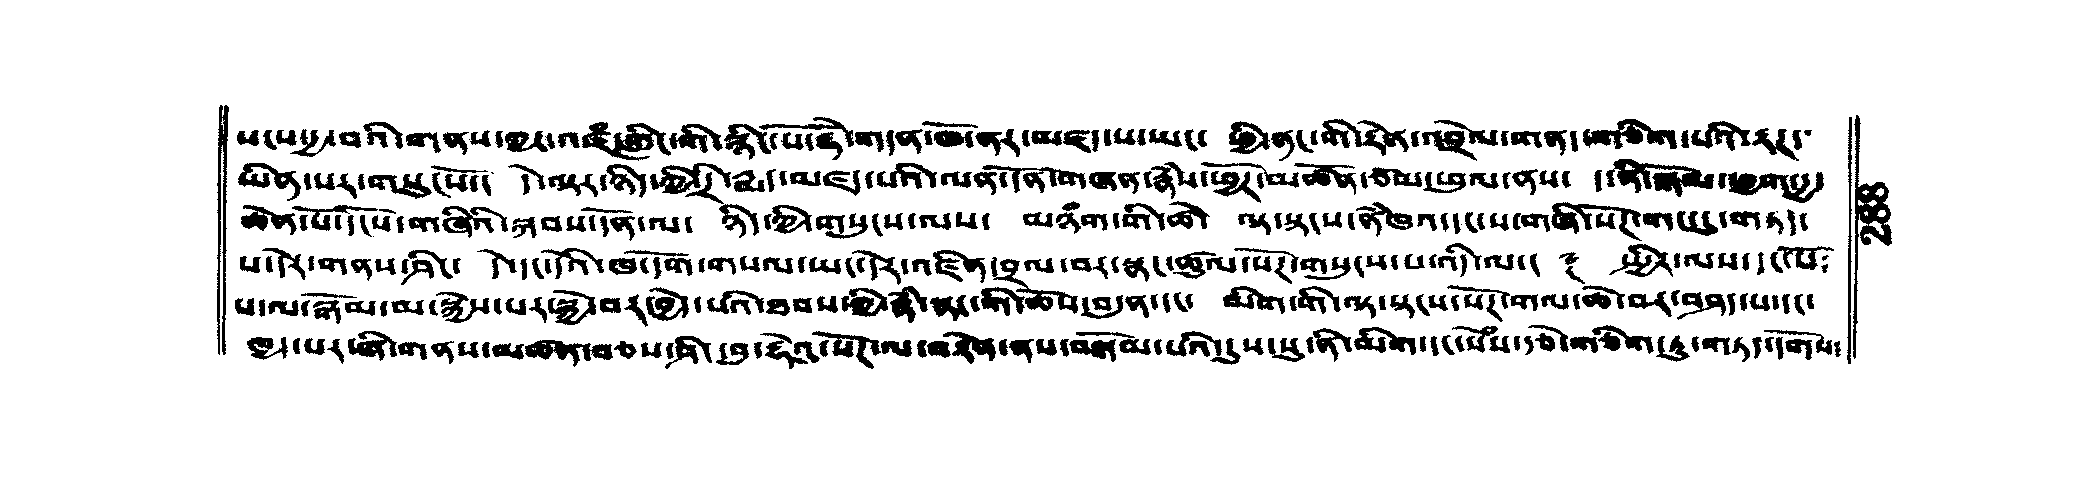སངས་རྒྱ་བའི་གནས་ཀྱང་འཛམ་གླིང་གི་སྙིང་པོ་རྡོ་རྗེ་གདན་ཁོ་ནར་མཛད་པ་ཡང་། ཕྱི་ནང་གི་རྟེན་འབྲེལ་གནད་གཅིག་པའི་རྟགས་
ཡིན་པར་གསུངས་སོ། དེ་ལྟར་ཉིད་ཀྱི་དྲི་རྨད་མཛད་པའི་ལན་དོན་གཞན་རྣམས་ཕྱོགས་མཚོན་ཙམ་ཕུལ་ནས། ད་ནི་སྒོམ་ཕྱག་རྒྱ་
ཆེན་པོ་དངོས་གཞིའི་སྐབས་དོན་ལ། ཉིད་ཀྱི་གསུང་ལས། མཉམ་བཞག་གི་ཚེ། ལྟ་སྟངས་ནམ་མཁའ་དང་ས་གཞི་སོགས་གང་དུ་གཏད་
པ་དེར་གནས་ཤིང་། དེ་དང་དེའི་ཁ་དོག་གསལ་ཡང་དེར་འཛིན་བྲལ་བར་སྣང་ཚུལ་སོགས་གསུངས་པ་འདི་ལ། སྤྱིར་ལས་དང་པོ་
པ་ལ་སྒོམ་མ་སྐྱེས་པར་སྐྱེ་བར་བྱེད་པའི་ཐབས་ཀྱི་རྣམ་སྣང་གི་ཆོས་བདུན་དང་། མིག་གི་ལྟ་སྟངས་སོགས་གལ་ཆེ་བར་བཤད་པ་དང་། 
ཁྱད་པར་ཞི་གནས་མཚན་བཅས་ཤིང་བུ་རྡེའུ་སོགས་ལ་བརྟེན་ནས་བསྒོམ་པའི་དུས་སུ་ནི་མིག་དང་སེམས་རྩེ་གཅིག་ཏུ་གཏད་